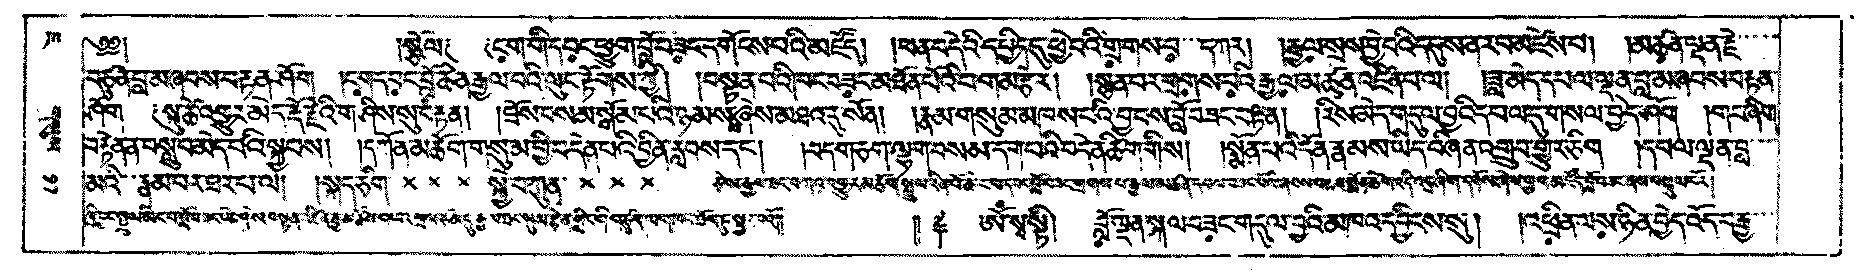༄༅། །སྩོལ། །ངག྾་གི་དབང྾་ཕྱུག་བློ྾་བཟང྾་དགོངས་པའི་མཛོད། །ཕན་བདེའི་དཔྱིད་དུ་ཕྱེ་བའི་གྲགས྾་པ྾་དཀར། །རྒྱལ྾་སྲས་བྱེ་བའི་དབུས་ན་རབ་མཛེས་པ། །མཚན྾་ལྡན་རྗེ་
བཙུན་བླ་མ་ཞབས་བརྟན་ཤོག །ངག྾་དབང྾་བློ་ཆེན་རྒྱལ་བའི་ལུང་རྟོགས་ཀྱི། །བསྟན་པའི་ཁང་བཟང྾་མཐོན་པོའི་བ་གམ་རྩེར། །སྙན་པར་གྲགས྾་པའི྾་རྒྱལ྾་མཚན྾་འཛིན་པ་ལ། །ཟླ་མེད་དཔལ་ལྡན་བླ་མ་ཞབས་བརྟན་
ཤོག ༑སྐུ་ཚེ་འགྱུར་མེད་རྡོ་རྗེའི་གཤིས་སུ་བརྟན། །ཐོས་བསམ་སྒོམ་པའི་ཉམས་པ་ཞེས་མཐའ་རུ་སོན། །རྣམ་གསུམ་མཁས་པའི་བྱ་བས་བློ་བཟང་བསྟན། །རིས་མེད་གདུལ་བྱའི་དཔལ་དུ་གསལ་བྱེད་ཤོག །གང་ཞིག་
བརྟེན་ན་བསླུ་བ་མེད་པའི་སྐྱབས། །དཀོན་མཆོག་གསུམ་གྱི་བདེན་པའི་བྱིན་རླབས་དང་། །བདག་ཅག་ལྷག་བསམ་དག་པའི་བདེན་ཚིག་གིས། །སྨོན་པའི་དོན་རྣམས་ཡིད་བཞིན་འགྲུབ་གྱུར་ཅིག །དཔལ་ལྡན་བླ་
མའི་རྣམ་པར་ཐར་པ་ལ། །སྐད་ཅིག་྾་྾་྾་སྐྱེ་བ་ཀུན་྾་྾་྾་ཅེས་རྒྱལ་ཐང་བཀའ་འགྱུར་མཆོག་སྤྲུལ་རིན་པོ་ཆེ་ངག་དབང་བློ་བཟང་གྲགས་པ་རྒྱལ་མཚན་དཔལ་བཟང་པོའི་ཞབས་བརྟན་སྨོན་ཚིག་འདི་འདྲ་ཞིག་དགོས་ཞེས་ཕྱག་མཛོད་བློ་བཟང་ནས་བསྐུལ་ངོར།
ཁྲི་བྱང་སྤྲུལ་མིང་པ་བློ་བཟང་ཡེ་ཤེས་བསྟན་འཛིན་རྒྱ་མཚོས་གཡར་ཕྲལ་ཙམ་དུ་རྒྱལ་ཐང་སུམ་རྩེན་གླིང་གི་གཙུག་ལག་ཁང་ཐོག་ཏུ་སྦྱར་བའོ།། །། ༈ ཨོཾ་སྭ་སྟི། བློ྾་ལྡན་སྐལ་བཟང྾་གདུལ་བྱའི་མཁའ་དབྱིངས་སུ། །འཕྲིན྾་ལས྾་ཉིན་བྱེད་འོད་བརྒྱ་